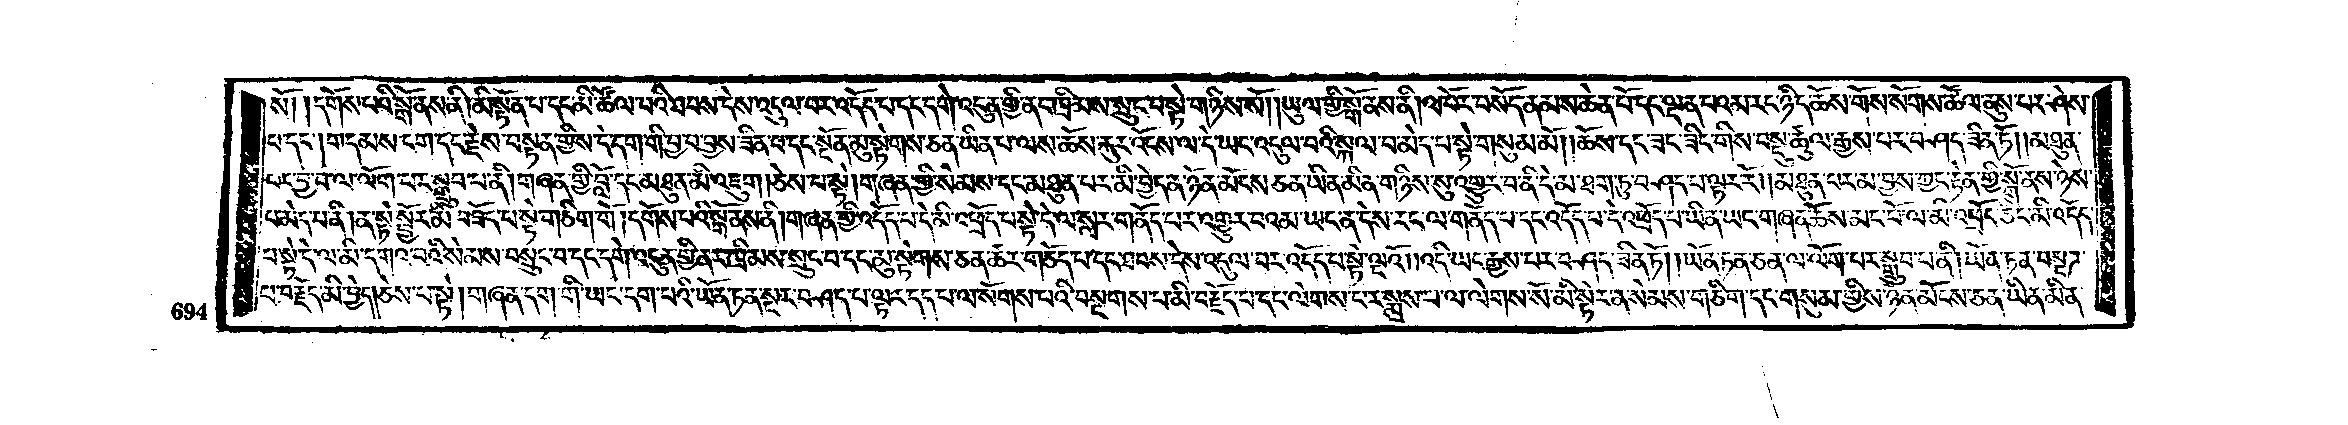སོ། །དགོས་པའི་སྒོ་ནས་ནི། མི་སྟོན་པ་དང་མི་ཚོལ་པའི་ཐབས་དེས་འདུལ་བར་འདོད་པ་དང་དགེ་འདུན་གྱི་ནང་ཁྲིམས་སྲུང་བ་སྟེ་གཉིས་སོ། །ཡུལ་གྱི་སྒོ་ནས་ནི། འཁོར་བསོད་ནམས་ཆེན་པོ་དང་ལྡན་པའམ་རང་ཉིད་ཆོས་གོས་སོགས་ཚོལ་ནུས་པར་ཤེས་
པ་དང་། གདམས་ངག་དང་རྗེས་བསྟན་གྱིས་དེ་དག་གི་བྱ་བ་བྱས་ཟིན་པ་དང་སྔོན་མུ་སྟེགས་ཅན་ཡིན་པ་ལས་ཆོས་རྐུར་འོངས་ལ་དེ་ཡང་འདུལ་བའི་སྐལ་བ་མེད་པ་སྟེ་གསུམ་མོ། །ཆོས་དང་ཟང་ཟིང་གིས་བསྡུ་ཚུལ་རྒྱས་པར་བཤད་ཟིན་ཏོ། །མཐུན་
པར་བྱ་བ་ལ་ལོག་པར་སྒྲུབ་པ་ནི། གཞན་གྱི་བློ་དང་མཐུན་མི་འཇུག །ཅེས་པ་སྟེ། གཞན་གྱི་སེམས་དང་མཐུན་པར་མི་བྱེད་ན་ཉོན་མོངས་ཅན་ཡིན་མིན་གཉིས་སུ་འགྱུར་བ་ནི་དེ་མ་ཐག་ཏུ་བཤད་པ་ལྟར་རོ། །མཐུན་པར་མ་བྱས་ཀྱང་རྟེན་གྱི་སྒོ་ནས་ཉེས་
པ་མེད་པ་ནི། ན་སྟེ་སྦྱོར་མི་བཟོད་པ་སྟེ་གཅིག་གོ །དགོས་པའི་སྒོ་ནས་ནི། གཞན་གྱི་འདོད་པ་དེ་མི་འཕྲོད་པ་སྟེ་དེ་ལ་སླར་གནོད་པར་འགྱུར་བའམ་ཡང་ན་དེས་རང་ལ་གནོད་པ་དང་འདོད་པ་དེ་འཕྲོད་པ་ཡིན་ཡང་གཞན་ཆོས་མང་པོ་ལ་མི་འཕྲོད་ཅིང་མི་འདོད་
པ་སྟེ་དེ་ལ་མི་དགའ་བའི་སེམས་བསྲུང་བ་དང་དགེ་འདུན་གྱི་ནར་ཁྲིམས་སྲུང་བ་དང་མུ་སྟེགས་ཅན་ཚར་གཅོད་པ་དང་ཐབས་དེས་འདུལ་བར་འདོད་པ་སྟེ་ལྔའོ། །འདི་ཡང་རྒྱས་པར་བཤད་ཟིན་ཏོ། །ཡོན་ཏན་ཅན་ལ་ལོག་པར་སྒྲུབ་པ་ནི། ཡོན་ཏན་བསྔཌ་
པ་བརྗོད་མི་བྱེད། ཅེས་པ་སྟེ། གཞན་དག་གི་ཡང་དག་པའི་ཡོན་ཏན་སྔར་བཤད་པ་ལྟར་དད་པ་ལ་སོགས་པའི་བསྔགས་པ་མི་བརྗོད་པ་དང་ལེགས་པར་སྨྲས་པ་ལ་ལེགས་སོ་མི་སྟེར་ན་སེམས་གཅིག་དང་གསུམ་གྱིས་ཉོན་མོངས་ཅན་ཡིན་མིན་